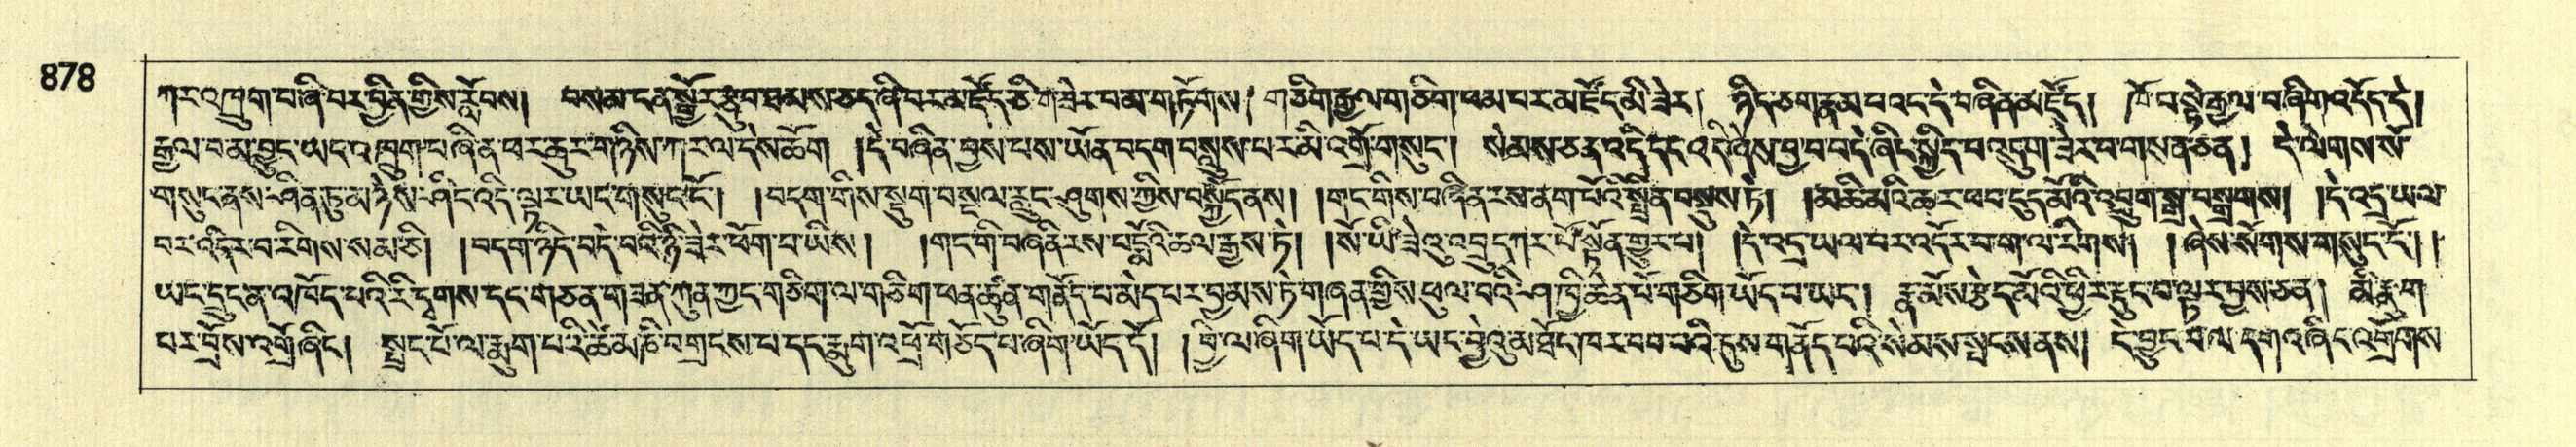ཀར་འཁྲུག་པ་ཞི་བར་བྱིན་གྱིས་རློབས། བསམ་ངན་སྦྱོར་རྩུབ་ཐམས་ཅད་ཞི་བར་མཛོད་ཅིག་ཟེར་བ་མ་གཏོགས། གཅིག་རྒྱལ་གཅིག་ཕམ་པར་མཛོད་མི་ཟེར། ཉིད་ཅག་རྣམ་པའང་དེ་བཞིན་མཛོད། ཁོ་བསྟེ་རྒྱལ་བ་ཞིག་འདོད་དེ།
རྒྱལ་བ་མ་བྱུང་ཡང་འཁྲུག་བཞིན་ཕར་ཆུར་གཉིས་ཀར་ལ་དེས་ཆོག །དེ་བཞིན་བྱས་པས་ཡོན་བདག་བསླུས་པར་མི་འགྲོ་གསུང་། སེམས་ཅན་འདི་དང་འདི་ཞེས་བྱ་བ་བདེ་ཞིང་སྐྱིད་པ་འདུག་ཟེར་བ་གསན་ཅན། དེ་ལེགས་སོ་
གསུང་ནས་ཤིན་ཏུ་མཉེས་ཤིང་འདི་ལྟར་ཡང་གསུང་ངོ། །བདག་གིས་སྡུག་བསྔལ་རླུང་ཤུགས་ཀྱིས་བསྐྱོད་ནས། །གང་གིས་བཞིན་རས་ནག་པོའི་སྤྲིན་བསྡུས་ཏེ། །མཆི་མའི་ཆར་ཕབ་དུད་མོའི་འབྲུག་སྒྲ་བསྒྲགས། །དེ་འདྲ་ཡལ་
བར་འདིར་བ་རིགས་སམ་ཅི། །བདག་ཉིད་བདེ་བའི་ཉི་ཟེར་ཕོག་པ་ཡིས། །གང་གི་བཞིན་རས་པདམོའི་ཆལ་རྒྱས་ཏེ། །སོ་ཡི་ཟེའུ་འབྲུ་དཀར་པོ་སྟོན་གྱུར་པ། དེ་འདྲ་ཡལ་བར་འདོར་བ་ག་ལ་རིགས། །ཞེས་སོགས་གསུང་ངོ། །
ཡང་དྲུང་ན་འཁོད་པའི་རི་དྭགས་དང་གཅན་གཟན་ཀུན་ཀྱང་གཅིག་ལ་གཅིག་ཕན་ཚུན་གནོད་པ་མེད་པར་བྱམས་ཏེ་གཞན་གྱིས་ཕུལ་བའི་ཤ་ཁྱི་ཆེན་པོ་གཅིག་ཡོད་པ་ཡང་། རྣ་མོས་རྩེད་མོའི་ཕྱིར་རྡུང་བ་ལྟར་བྱས་ཅན། མི་རྣུག་
པར་བྲོས་འགྲོ་ཞིང་། སྤྲང་པོ་ལ་རྨུག་པའི་ཚེ་མ་ཎི་བགྲངས་པ་དང་རྨུག་འཕྲོ་གཅོད་པ་ཞིག་ཡོད་དོ། །བྱི་ལ་ཞིག་ཡོད་པ་དེ་ཡང་བྱེའུ་མཐོང་ཁར་བབ་པའི་དུས་གནོད་པའི་སེམས་སྤངས་ནས། དེ་བྱུང་བ་ལ་དགའ་ཞིང་འགྲོགས་